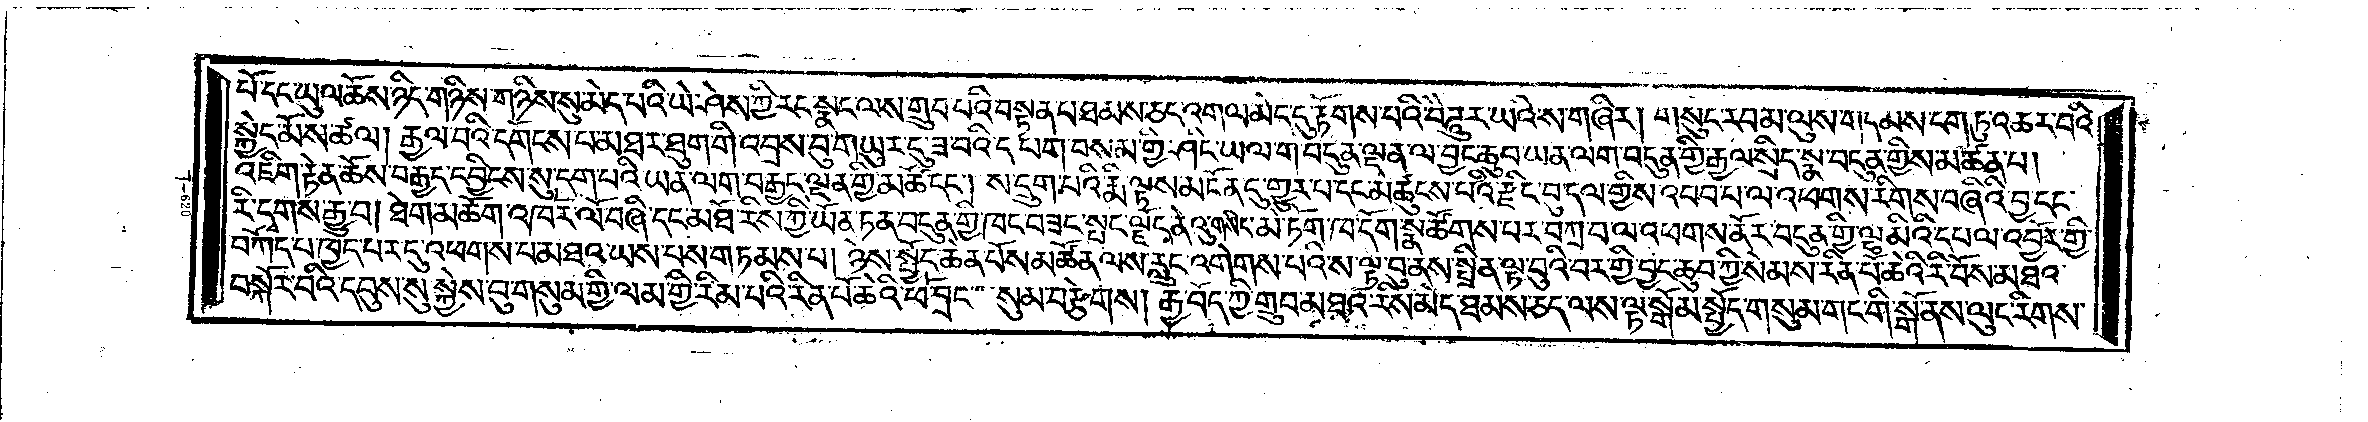པོ་དང་ཡུལ་ཆོས་ཉིད་གཉིས་གཉིས་སུ་མེད་པའི་ཡེ་ཤེས་ཀྱི་རང་སྣང་ལས་གྲུབ་པའི་བསྟན་པ་ཐམས་ཅད་འགལ་མེད་དུ་རྟོགས་པའི་བཻཌཱུར་ཡའི་ས་གཞིར། གསུང་རབ་མ་ལུས་གདམས་ངག་ཏུ་འཆར་བའི་
སྐྱེད་མོས་ཚལ། རྒྱལ་བའི་དགོངས་པ་མཐར་ཐུགས་གི་འབྲས་བུའི་གཡུར་དུ་ཟ་བའི་དཔག་བསམ་གྱི་ཤིང་ཡལ་ག་བདུན་ལྡན་ལ་བྱང་ཆུབ་ཡན་ལག་བདུན་གྱི་རྒྱལ་སྲིད་སྣ་བདུན་གྱིས་མཚན་པ།
འཇིག་རྟེན་ཆོས་བརྒྱད་དབྱིངས་སུ་དག་པའི་ཡན་ལག་བརྒྱད་ལྡན་གྱི་མཚོ་དང་། ས་དྲུག་པའི་རྨི་ལྟས་མངོན་དུ་གྱུར་པ་དང་མཚུངས་པའི་རྫིང་བུ་དལ་གྱིས་འབབ་པ་ལ་འཕགས་རིགས་བཞིའི་བྱ་དང་
རི་དྭགས་རྒྱུ་བ། ཐེག་མཆོག་འཁོར་ལོ་བཞི་དང་མཐོ་རིས་ཀྱི་ཡོན་ཏན་བདུན་གྱི་ཁང་བཟང་སྤང་ལྗོན་ནེའུ་གསིང་མེ་ཏོག་ཁ་དོག་སྣ་ཚོགས་པར་བཀྲ་བ་ལ་འཕགས་ནོར་བདུན་གྱི་ལྷ་མིའི་དཔལ་འབྱོར་གྱི་
བཀོད་པ་ཁྱོད་པར་དུ་འཕགས་པ་མཐའ་ཡས་པས་གཏམས་པ། ཉེས་སྤྱོད་ཆེན་པོས་མཚོན་ལས་རླུང་འགགས་པའི་ས་ལྟ་བུ་ནས་སྤྲིན་ལྟ་བུའི་བར་གྱི་བྱང་ཆུབ་ཀྱི་སེམས་རིན་པོ་ཆེའི་རི་བོས་མཐའ་
བསྐོར་བའི་དབུས་སུ་སྐྱེས་བུ་གསུམ་གྱི་ལམ་གྱི་རིམ་པའི་རིན་པོ་ཆེའི་ཕོ་བྲང་སུམ་བརྩེགས། རྒྱ་བོད་ཀྱི་གྲུབ་མཐའ་རིས་མེད་ཐམས་ཅད་ལས་ལྟ་སྒོམ་སྤྱོད་གསུམ་གང་གི་སྒོ་ནས་ལུང་རིགས་